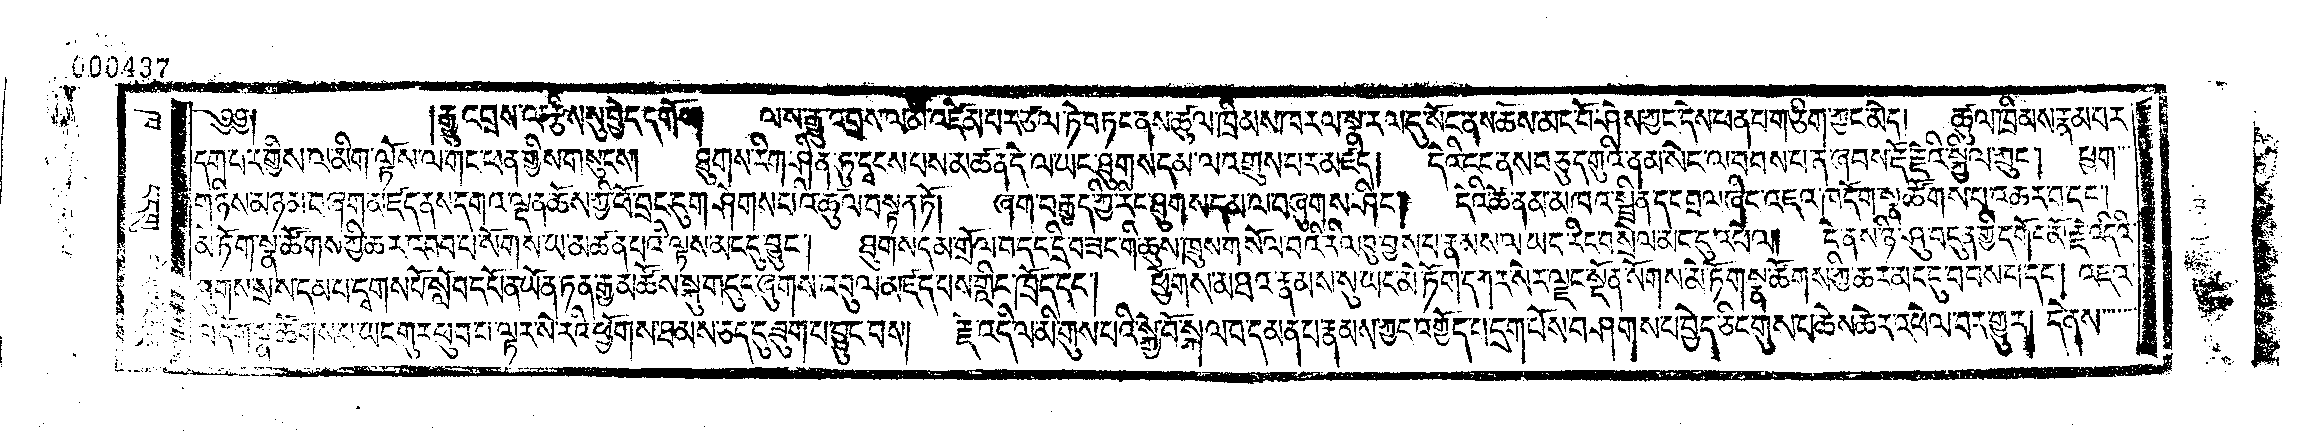༄༅། །རྒྱུ་འབྲས་ལ་རྩིས་སུ་བྱེད་དགོས། ལས་རྒྱུ་འབྲས་ལ་མི་འཛེམ་པར་ཙལ་ཏེ་བཏང་ནས་ཚུལ་ཁྲིམས་ཁ་རལ་སྣ་རལ་དུ་སོང་ནས་ཆོས་མང་པོ་ཤེས་ཀྱང་དེས་ཕན་པ་གཅིག་ཀྱང་མེད། ཚུལ་ཁྲིམས་རྣམ་པར་
དག་པར་གྱིས་ལ་མིག་ལྟོས་ལ་གང་ཕན་གྱིས་གསུངས། ཐུགས་རིག་ཤིན་ཏུ་དྭངས་བས་མཚན་དེ་ལ་ཡང་ཐུགས་དམ་ལ་འགྲུས་པར་མཛད། དེའི་དང་ནས་བཅུད་གུའི་ནམ་སེང་ལ་བབས་པ་ན་ཞབས་རྡོ་རྗེའི་སྐྱིལ་ཀྲུང་། ཕྱག་
གཉིས་མཉམ་བཞག་མཛད་ནས་དགའ་ལྡན་ཆོས་ཀྱི་ཕོ་བྲང་དུ་གཤེགས་པའི་ཚུལ་བསྟན་ཏོ། ཞག་བརྒྱད་ཀྱི་རིང་ཐུགས་དམ་ལ་བཞུགས་ཤིང་། དེའི་ཚེ་ནམ་མཁའ་སྤྲིན་དང་བྲལ་ཞིང་འཇའ་ཁ་དོག་སྣ་ཚོགས་པ་འཆར་བ་དང་།
མེ་ཏོག་སྣ་ཚོགས་ཀྱི་ཆར་འབབ་པ་སོགས་ཡ་མཚན་པའི་ལྟས་མང་དུ་བྱུང་། ཐུགས་དམ་གྲོལ་བ་དང་དྲི་བཟང་གི་ཆུས་ཁྲུས་གསོལ་བའི་རིལ་བུ་བྱས་པ་རྣམས་ལ་ཡང་རིང་བསྲེལ་མང་དུ་འཕེལ། དེ་ནས་ཉི་ཤུ་བདུན་གྱི་དགོང་མོ་རྗེ་འདིའི་
ཐུགས་སྲས་དམ་པ་དྭགས་པོ་སློབ་དཔོན་ཡོན་ཏན་རྒྱ་མཚོས་སྐུ་གདུང་ཞུགས་འབུལ་མཛད་པས་གླིང་ཁྲོད་དང་། ཕྱོགས་མཐའ་རྣམས་སུ་ཡང་མེ་ཏོག་དཀར་སེར་ལྗང་སྔོན་སོགས་མེ་ཏོག་སྣ་ཚོགས་ཀྱི་ཆར་མང་དུ་བབས་པ་དང་། འཇའ་
ཁ་དོག་སྣ་ཚོགས་པ་ཡང་གུར་ཕུབ་པ་ལྟར་སེ་རའི་ཕྱོགས་ཐམས་ཅད་དུ་ཟུག་པ་བྱུང་བས། རྗེ་འདི་ལ་མི་གུས་པའི་སྐྱེ་བོ་སྐལ་བ་དམན་པ་རྣམས་ཀྱང་འགྱོད་པ་དྲས་པོས་བཤགས་པ་བྱེད་ཅིང་གུས་པ་ཆེས་ཆེར་འཕེལ་བར་གྱུར། དེ་ནས་